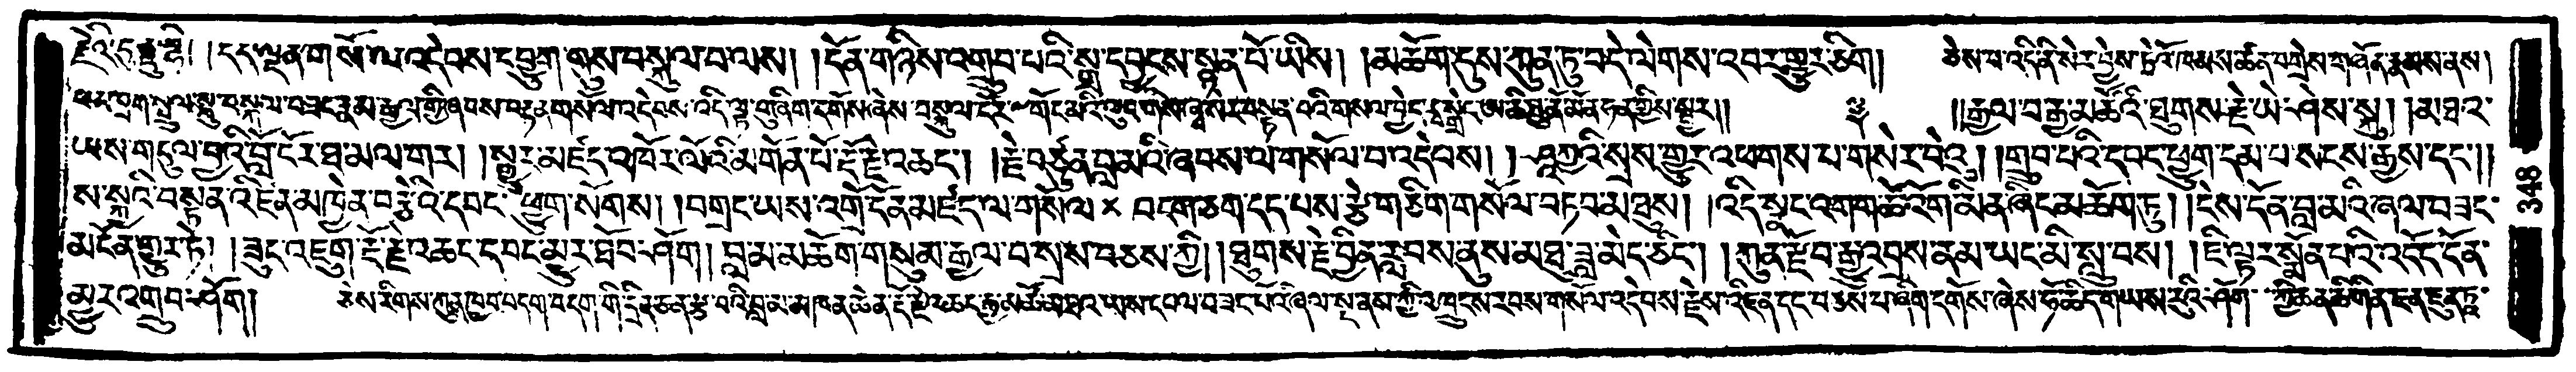རྗེའི་དུནྡུ་བྷི། །དད་ལྡན་གསོལ་འདེབས་དབྱུག་གུས་བསྐུལ་བ་ལས། །དོན་གཉིས་འགྲུབ་པའི་སྒྲ་དབྱངས་སྙན་པོ་ཡིས། །མཆོག་དུས་ཀུན་ཏུ་བདེ་ལེགས་འབར་གྱུར་ཅིག །ཅེས་པ་འདི་ནི་སེར་བྱེས་ཏྲེའོ་ཁམས་ཚན་བགྲེས་གཞོན་རྣམས་ནས།
ཕམ་བྲག་སྤྲུལ་སྐུ་བསྐལ་བཟང་རྣམ་རྒྱལ་གྱི་ཞབས་བརྟན་གསོལ་འདེབས་འདི་ལྟ་བུ་ཞིག་དགོས་ཞེས་བསྐུལ་ངོར ༧གོང་མའི་ལུང་གིས་ཞྭ་སེར་བསྟན་པའི་གསལ་བྱེད་རྭ་སྒྲེང་ཨ་ཆི་ཐུ་ནོ་མོན་ཧན་གྱིས་སྦྱར།། ༈ །།རྒྱལ་བ་རྒྱ་མཚོའི་ཐུགས་རྗེ་ཡེ་ཤེས་སྐུ། །མཐའ་
ཡས་གདུལ་བྱའི་བློ་ངོར་ཐ་མལ་གར། །སྒྱུར་མཛད་འཁོར་ལོའི་མགོན་པོ་རྡོ་རྗེ་འཆང་། །རྗེ་བཙུན་བླ་མའི་ཞབས་ལ་གསོལ་བ་འདེབས། །ཤཱཀྱའི་སྲས་གྱུར་འཕགས་པ་གསེར་བེའུ། །གྲུབ་པའི་དབང་ཕྱུག་དམ་པ་སངས་རྒྱས་དང་། །
ས་སྐྱའི་བསྟན་འཛིན་མཁྱེན་བརྩེའི་དབང་ཕྱུག་སོགས། །བགྲང་ཡས་འགྲོ་དོན་མཛད་ལ་གསོལ་{྾}་བདག་ཅག་དད་པས་རྩེ་གཅིག་གསོལ་བཏབ་མཐུས། །འདི་སྣང་འགག་ཚེ་འོག་མིན་ཞིང་མཆོག་ཏུ། །ངེས་དོན་བླ་མའི་ཞལ་བཟང་
མངོན་གྱུར་ཏེ། །ཟུང་འཇུག་རྡོ་རྗེ་འཆང་དབང་མྱུར་ཐོབ་ཤོག །བླ་མ་མཆོག་གསུམ་རྒྱལ་བ་སྲས་བཅས་ཀྱི། །ཐུགས་རྗེ་བྱིན་རླབས་ནུས་མཐུ་ཟླ་མེད་ཅིང་། །ཀུན་རྫོབ་རྒྱུ་འབྲས་ནམ་ཡང་མི་སླུ་བས། །ཇི་ལྟར་སྨོན་པའི་འདོད་དོན་
མྱུར་འགྲུབ་ཤོག །ཅེས་རིགས་ཀུན་ཁྱབ་བདག་བདག་གི་དྲིན་ཅན་རྩ་བའི་བླ་མ་མཁན་ཆེན་རྡོ་རྗེ་འཆང་རྒྱ་མཚོ་མཐའ་ཡས་དཔལ་བཟང་པོའི་ཞལ་སྔ་ནས་ཀྱི་འཁྲུངས་རབས་གསོལ་འདེབས་རྗེས་འཛིན་དང་བཅས་པ་ཞིག་དགོས་ཞེས་ཧོ་ཆིད་གཡས་རུའི་ཤོག་ཀྱི་ཆན་ཆི་གིན་ཇན་ཇུན་ཏཱ་